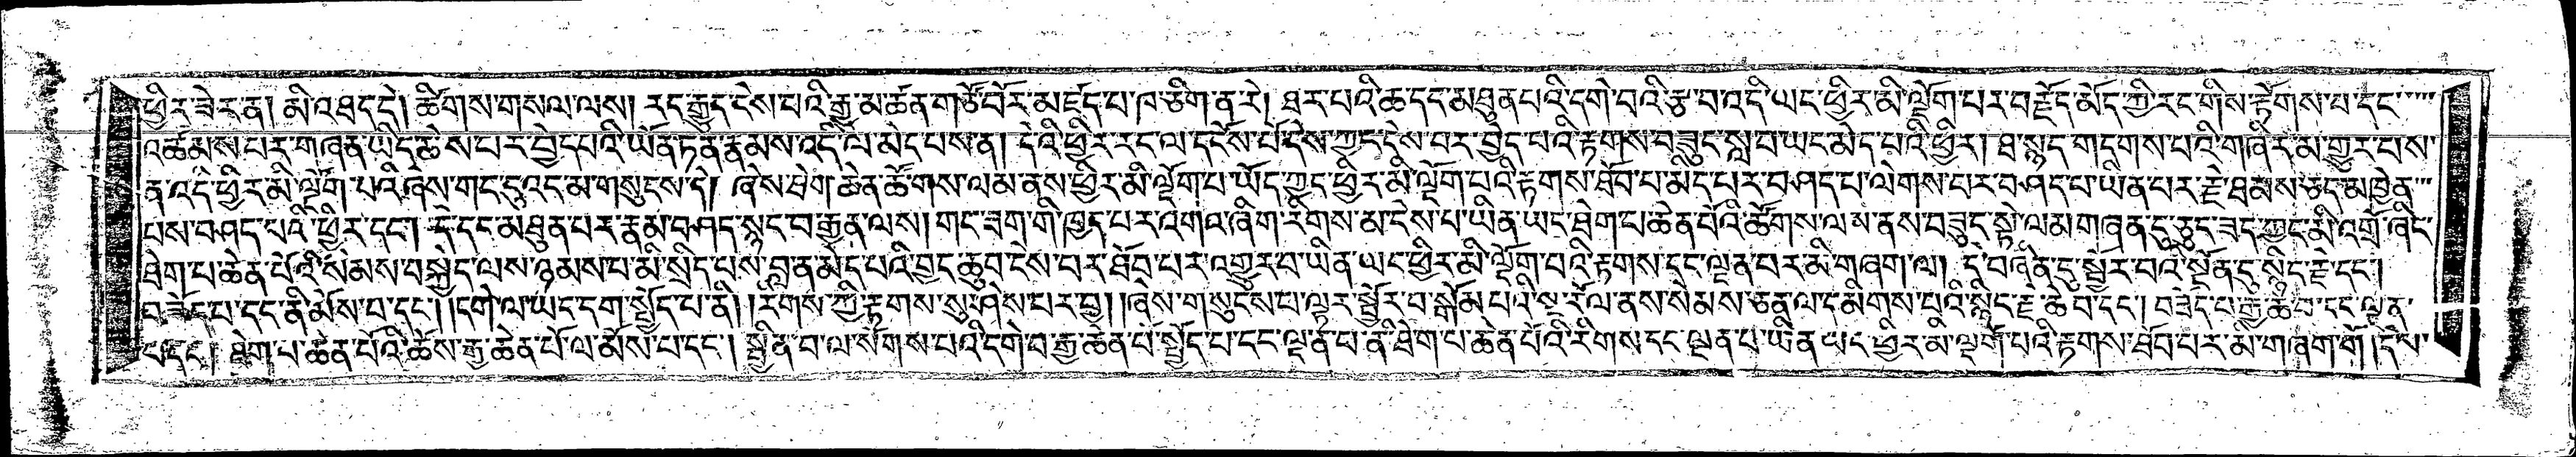ཕྱིར་ཟེར་ན། མི་འཐད་དེ། ཚིག་གསལ་ལས། རང་རྒྱུད་ངེས་པའི་རྒྱུ་མཚན་གཙོ་བོར་མཛད་པ་ཁ་ཅིག་ན་རེ། ཐར་པའི་ཆ་དང་མཐུན་པའི་དགེ་བའི་རྩ་བ་འདི་ཡང་ཕྱིར་མི་ལྡོག་པར་བརྗོད་མོད་ཀྱི་རང་གིས་རྟོགས་པ་དང་
འཚམས་པར་གཞན་ཡིད་ཆེས་པར་བྱེད་པའི་ཡོན་ཏན་རྣམས་འདི་ལ་མེད་པས་ན། དེའི་ཕྱིར་རང་ལ་དངོས་པོ་ངེས་ཀྱང་ངེས་པར་བྱེད་པའི་རྟགས་བཟུང་སླ་བ་ཡང་མེད་པའི་ཕྱིར། ཐ་སྙད་གདགས་པའི་གཞིར་མ་གྱུར་པས་
ན་འདི་ཕྱིར་མི་ལྡོག་པའི་ཞེས་གང་དུའང་མ་གསུངས་ཏེ། ཞེས་ཐེག་ཆེན་ཚོགས་ལམ་ནས་ཕྱིར་མི་ལྡོག་པ་ཡོད་ཀྱང་ཕྱིར་མི་ལྡོག་པའི་རྟགས་ཐོབ་པ་མེད་པར་བཤད་པ་ལེགས་པར་བཤད་པ་ཡིན་པར་རྗེ་ཐམས་ཅད་མཁྱེན་
པས་བཤད་པའི་ཕྱིར་དང་། དེ་དང་མཐུན་པར་རྣམ་བཤད་སྙིང་པོ་རྒྱན་ལས། གང་ཟག་གི་ཁྱད་པར་འགའ་ཞིག་རིགས་མ་ངེས་པ་ཡིན་ཡང་ཐེག་པ་ཆེན་པོའི་ཚོགས་ལམ་ནས་བཟུང་སྟེ་ལམ་གཞན་དུ་ཅུང་ཟད་ཀྱང་མི་འགྲོ་ཞིང་
ཐེག་པ་ཆེན་པོའི་སེམས་བསྐྱེད་ལས་ཉམས་པ་མི་སྲིད་པས་བླ་ན་མེད་པའི་བྱང་ཆུབ་ངེས་པར་ཐོབ་པར་འགྱུར་བ་ཡིན་ཡང་ཕྱིར་མི་ལྡོག་པའི་རྟགས་དང་ལྡན་པར་མི་གཞག་ལ། དེ་བཞིན་དུ་སྦྱོར་བའི་སྔོན་དུ་སྙིང་རྗེ་དང་།
བཟོད་པ་དང་ནི་མོས་པ་དང་། །དགེ་ལ་ཡང་དག་སྦྱོད་པ་ནི། །རིགས་ཀྱི་རྟགས་སུ་ཤེས་པར་བྱ། །ཞེས་གསུངས་པ་ལྟར་སྦྱོར་བ་སྒོམ་པའི་སྔ་རོལ་ནས་སེམས་ཅན་ལ་དམིགས་པའི་སྙིང་རྗེ་ཆེ་བ་དང་། བཟོད་པ་རྒྱ་ཆེ་བ་དང་ལྡན་
པ་དང་། ཐེག་པ་ཆེན་པོའི་ཆོས་རྒྱ་ཆེན་པོ་ལ་མོས་པ་དང་། སྦྱིན་པ་ལ་སོགས་པའི་དགེ་བ་རྒྱ་ཆེན་པོ་སྤྱོད་པ་དང་ལྡན་པ་ནི་ཐེག་པ་ཆེན་པོའི་རིགས་དང་ལྡན་པ་ཡིན་ཡང་ཕྱིར་མི་ལྡོག་པའི་རྟགས་ཐོབ་པར་མི་གཞག་གོ། དེས་